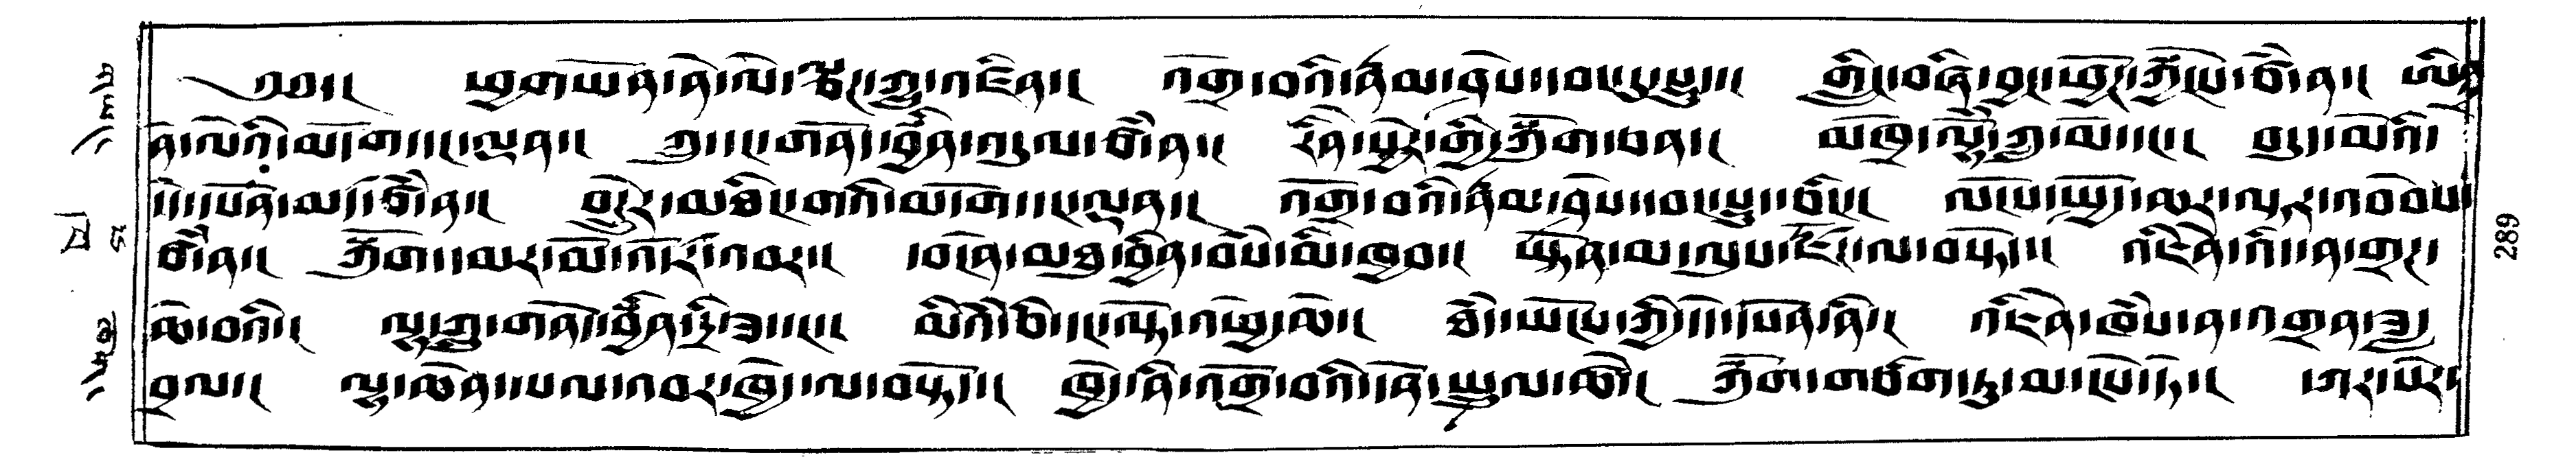།ཕྱག་གཡོན་ནེ་ལེ་ལྕགས་ཀྱུ་འཛིན། །འགྲོ་བའི་རྣམ་ཤེས་དབང་དུ་སྡུད། །གླིང་བཞི་བྱང་ཕྱོགས་སྐྱོང་ཙ་ན། ཨིནྡྲ་
ནི་ལའི་མདོག་དང་ལྡན། །ཀླུ་དང་གནོད་སྦྱིན་འདུལ་ཙ་ན། །རིན་ཆེན་གསེར་གྱི་སྐུ་མདོག་ཅན། །མཁའ་འགྲོ་ལྷ་མོ་ཀླུ་མོ་དང་། །བདུད་མོའི་
དེད་དཔོན་མཛད་ཙ་ན། བཻཌཱུར་མཐིང་གའི་མདོག་དང་ལྡན། །འགྲོ་བའི་རྣམ་ཤེས་དབང་སྡུད་ཅིང་། །ལོངས་སྤྱོད་ཆར་ལྟར་འབེབས་
ཙ་ན། །སྐུ་དོག་དམར་པོ་འོད་ཟེར་འབར། །དབང་ཆེན་མཐུ་བྱིན་བསམ་མི་ཁྱབ། །ཡོན་ཏན་མ་ལུས་རྫོགས་ལ་བསྟོད། །འཇིག་རྟེན་འདི་ན་གྲགས་
ཆེ་བའི། །ལྷ་ཀླུ་གནོད་སྦྱིན་དྲི་ཟ་དང་། །མིའམ་ཅི་དང་ལྟོ་འཕྱེ་ཆེ། །ཐམས་ཅད་ཡོངས་ཀྱི་དེད་དཔོན་ནི། །འཇིག་རྟེན་ཁམས་ན་འགྲན་ཟླ་
བྲལ། །ལྷ་ཆེན་དཔལ་འབར་ཁྱེད་ལ་བསྟོད། །ཁྱོད་ནི་འགྲོ་བའི་དོན་སྤྲུལ་ཚེ། །སྐུ་མདོག་གཅིག་ཏུ་མ་ངེས་ཏེ། །དཀར་སེར་